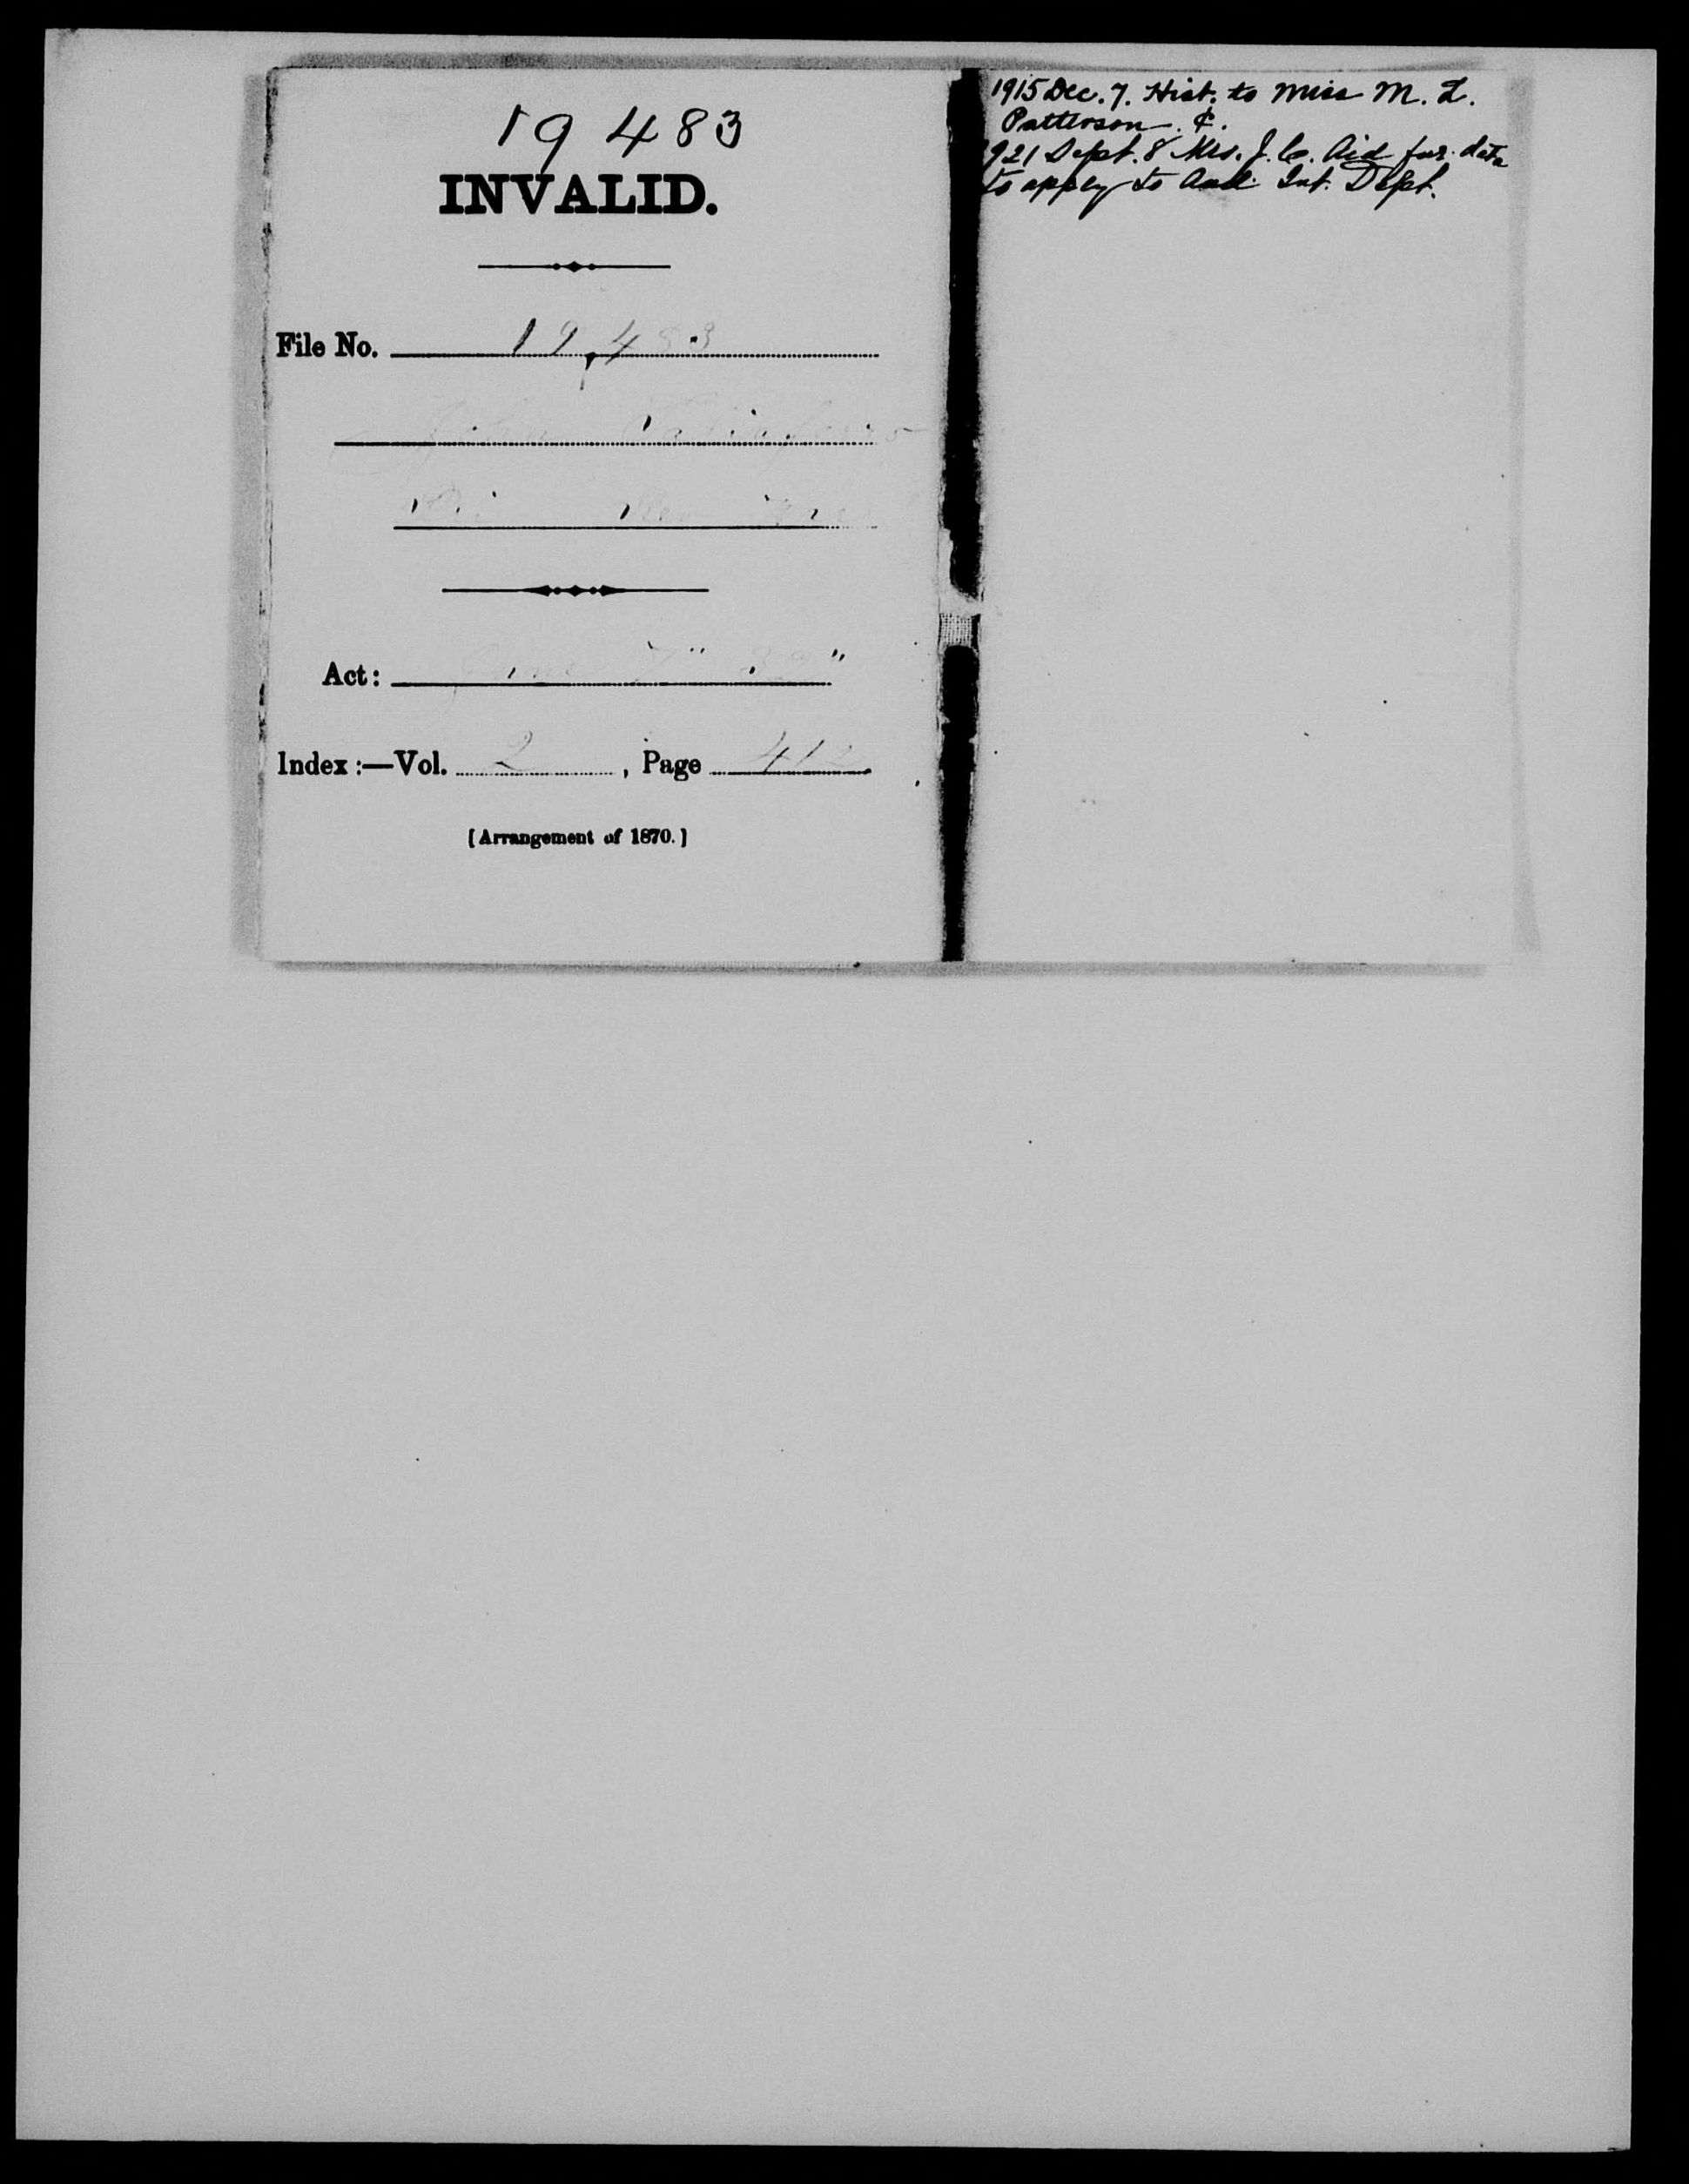[left side of page]
19,483
INVALID

File No. 19483
John Taliaferro 
[illegible - faint]
Act: June 7th 32
Index: -- Vol. 2, page 412
Arrangement of 1870

[right side of page]
15 Dec 7 Hist to Miss M. L. Patterson &
1921 Sept 8 Mrs. J. C. Aid for data to apply to ask Int. Dept.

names: John Taliaferro; J C Aid; M L Patterson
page: 21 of 34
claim: survivor's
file: S. 19483, for John Taliaferro, Virginia